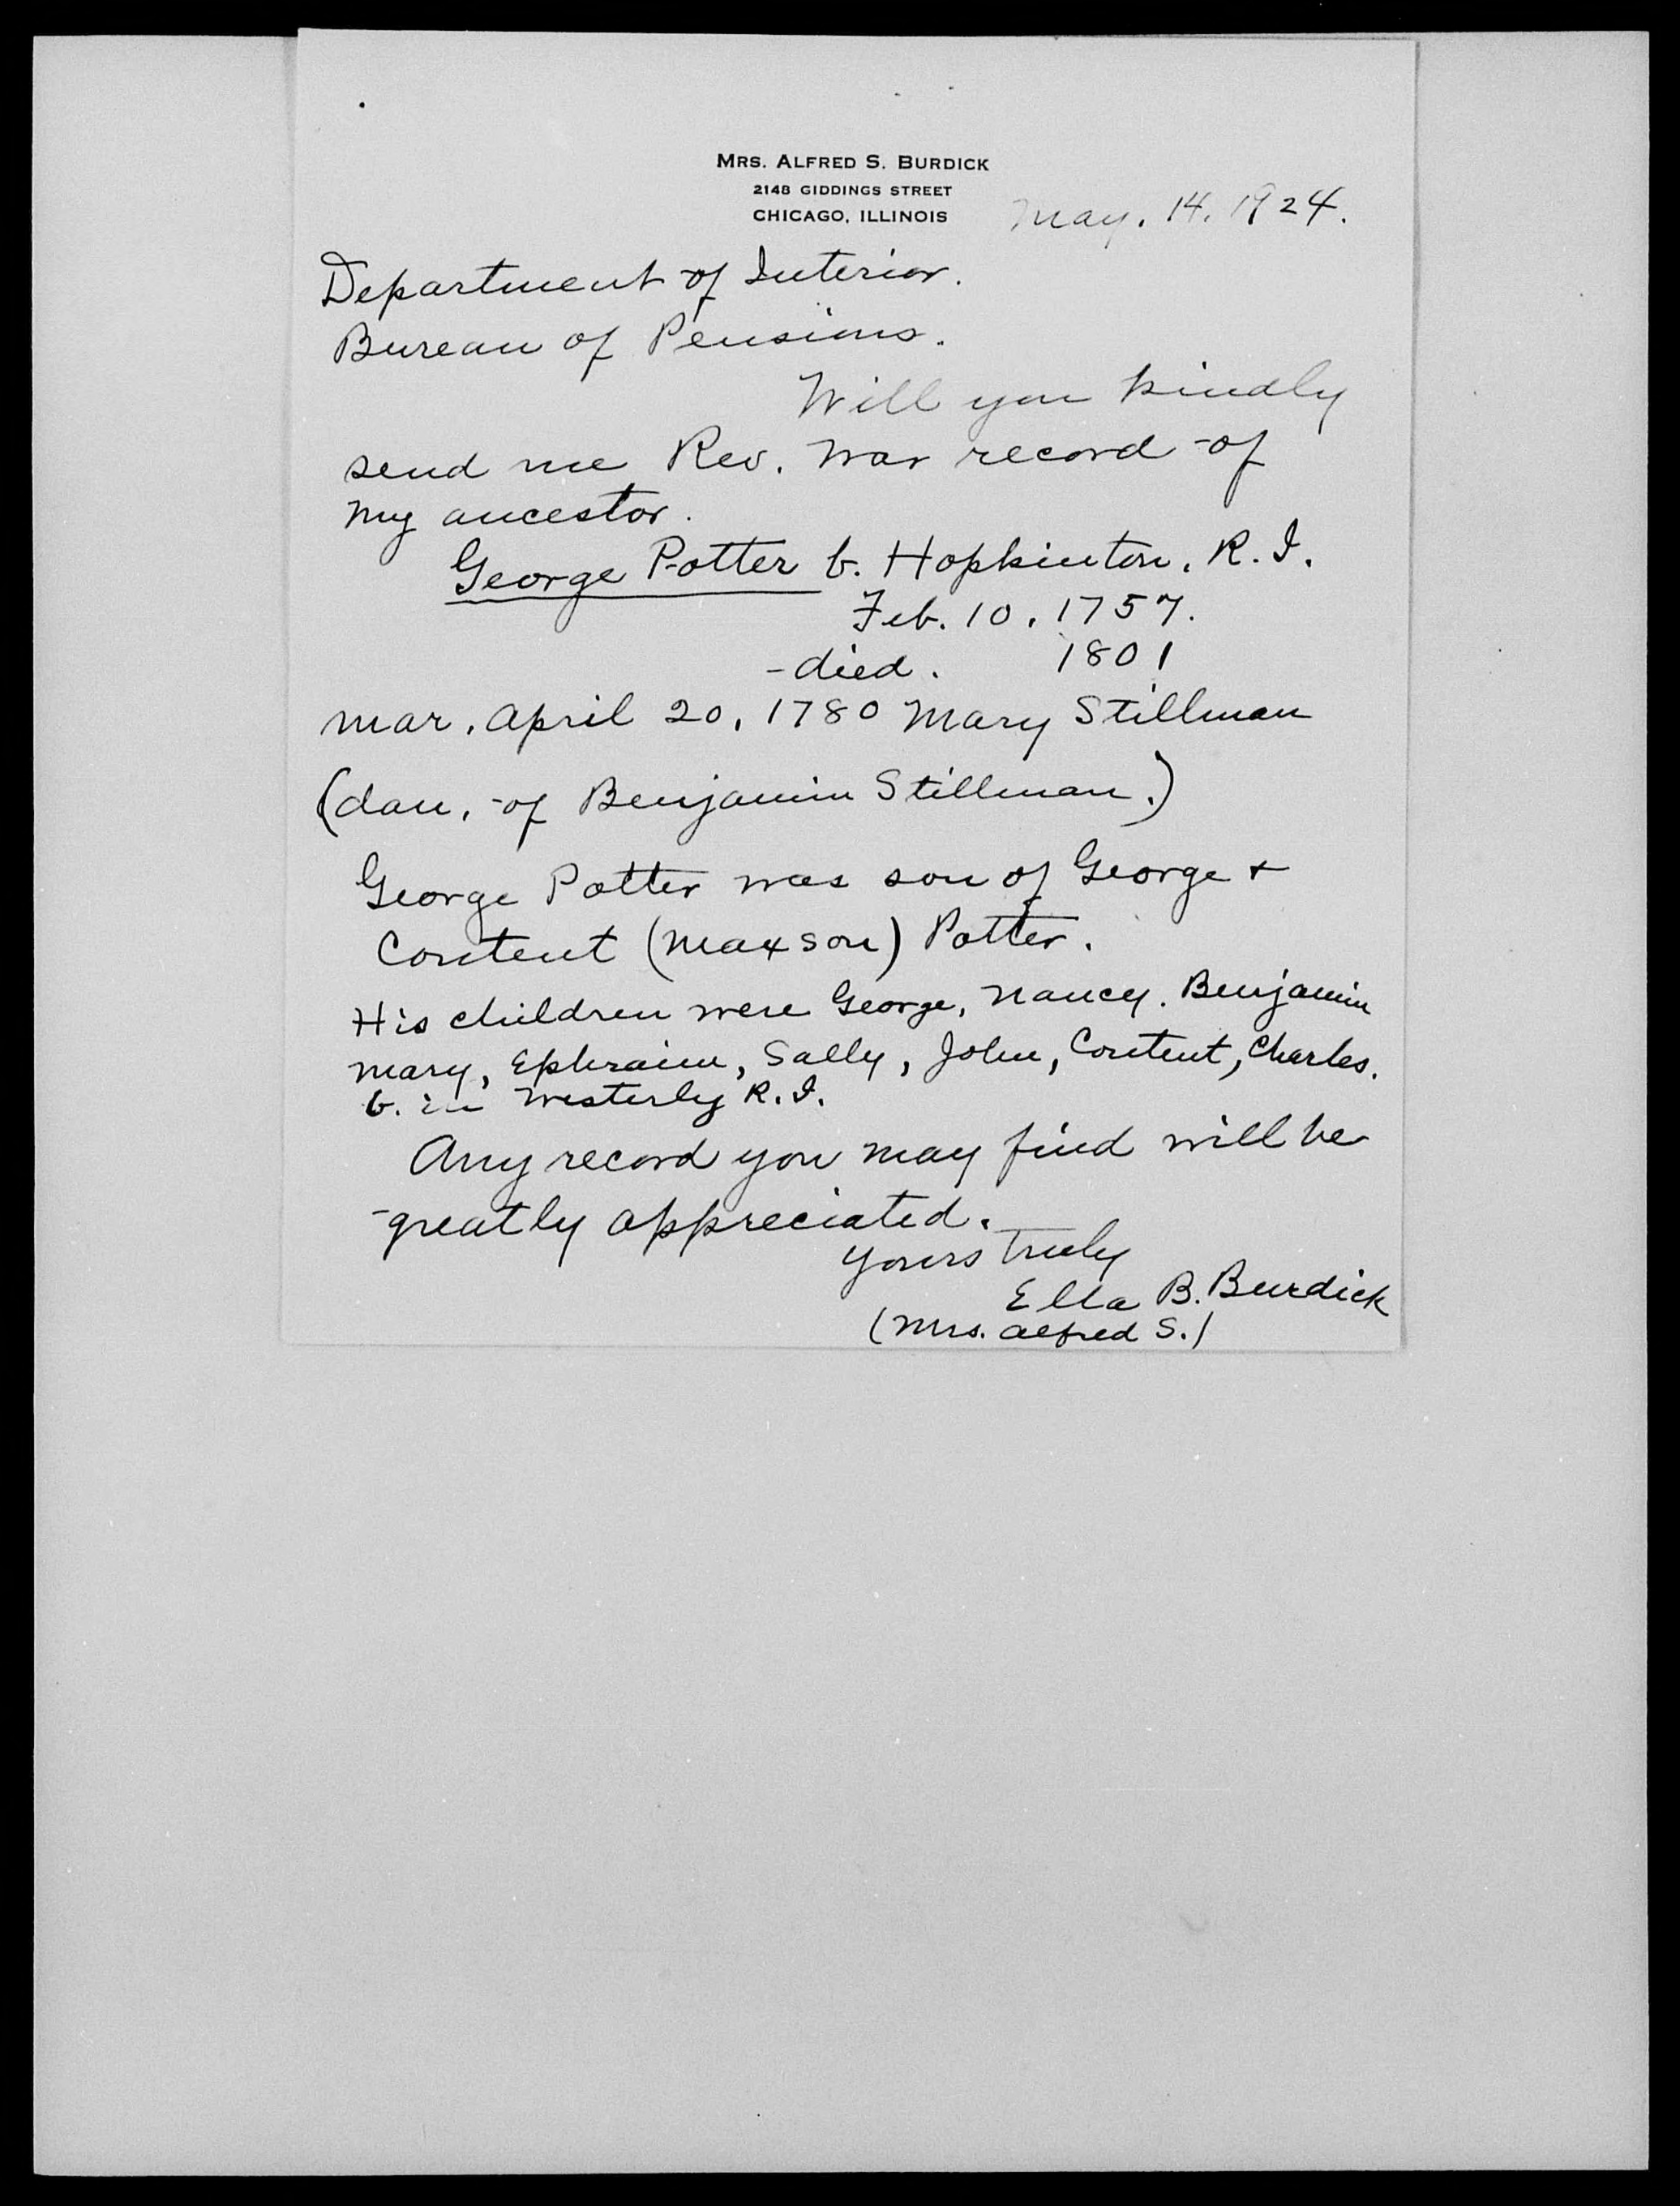Mrs. Alfred S Burdick
2148 Giddinsg Street 
Chicago, Illinois

May 14, 1924

Department of Interior
Bureau of Pensions

Will you kindly send me Rev. War record of my ancestor.
George Potter of Hopkinton, RI
Feb 10, 1757
-died 1801
Mar, April 20, 1780 Mary Stillman (dau. of Benjamin Stillman.)
George Potter was son of George & Content (Maxson) Potter.
His children were George, Nancy, Benjamin, Mary, Ephraim, Sally, Jolue, Constent, Charles of Westerly RI.
Any record you may find will be greatly appreciated.
Yours Truly
Ella B Burdick
(Mrs. Alfred S.)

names: Mary [BLANK]; Benjamin [BLANK]; Nancy [BLANK]; Benjamin Stillman; Content Maxson Potter; George Potter; Mary Stillman; Charles [BLANK]; Alfred S Burdick; Sally [BLANK]; Ephraim [BLANK]; John [BLANK]; Ella B Burdick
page: 14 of 40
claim: widow's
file: W. 16058, for George Potter, Rhode Island